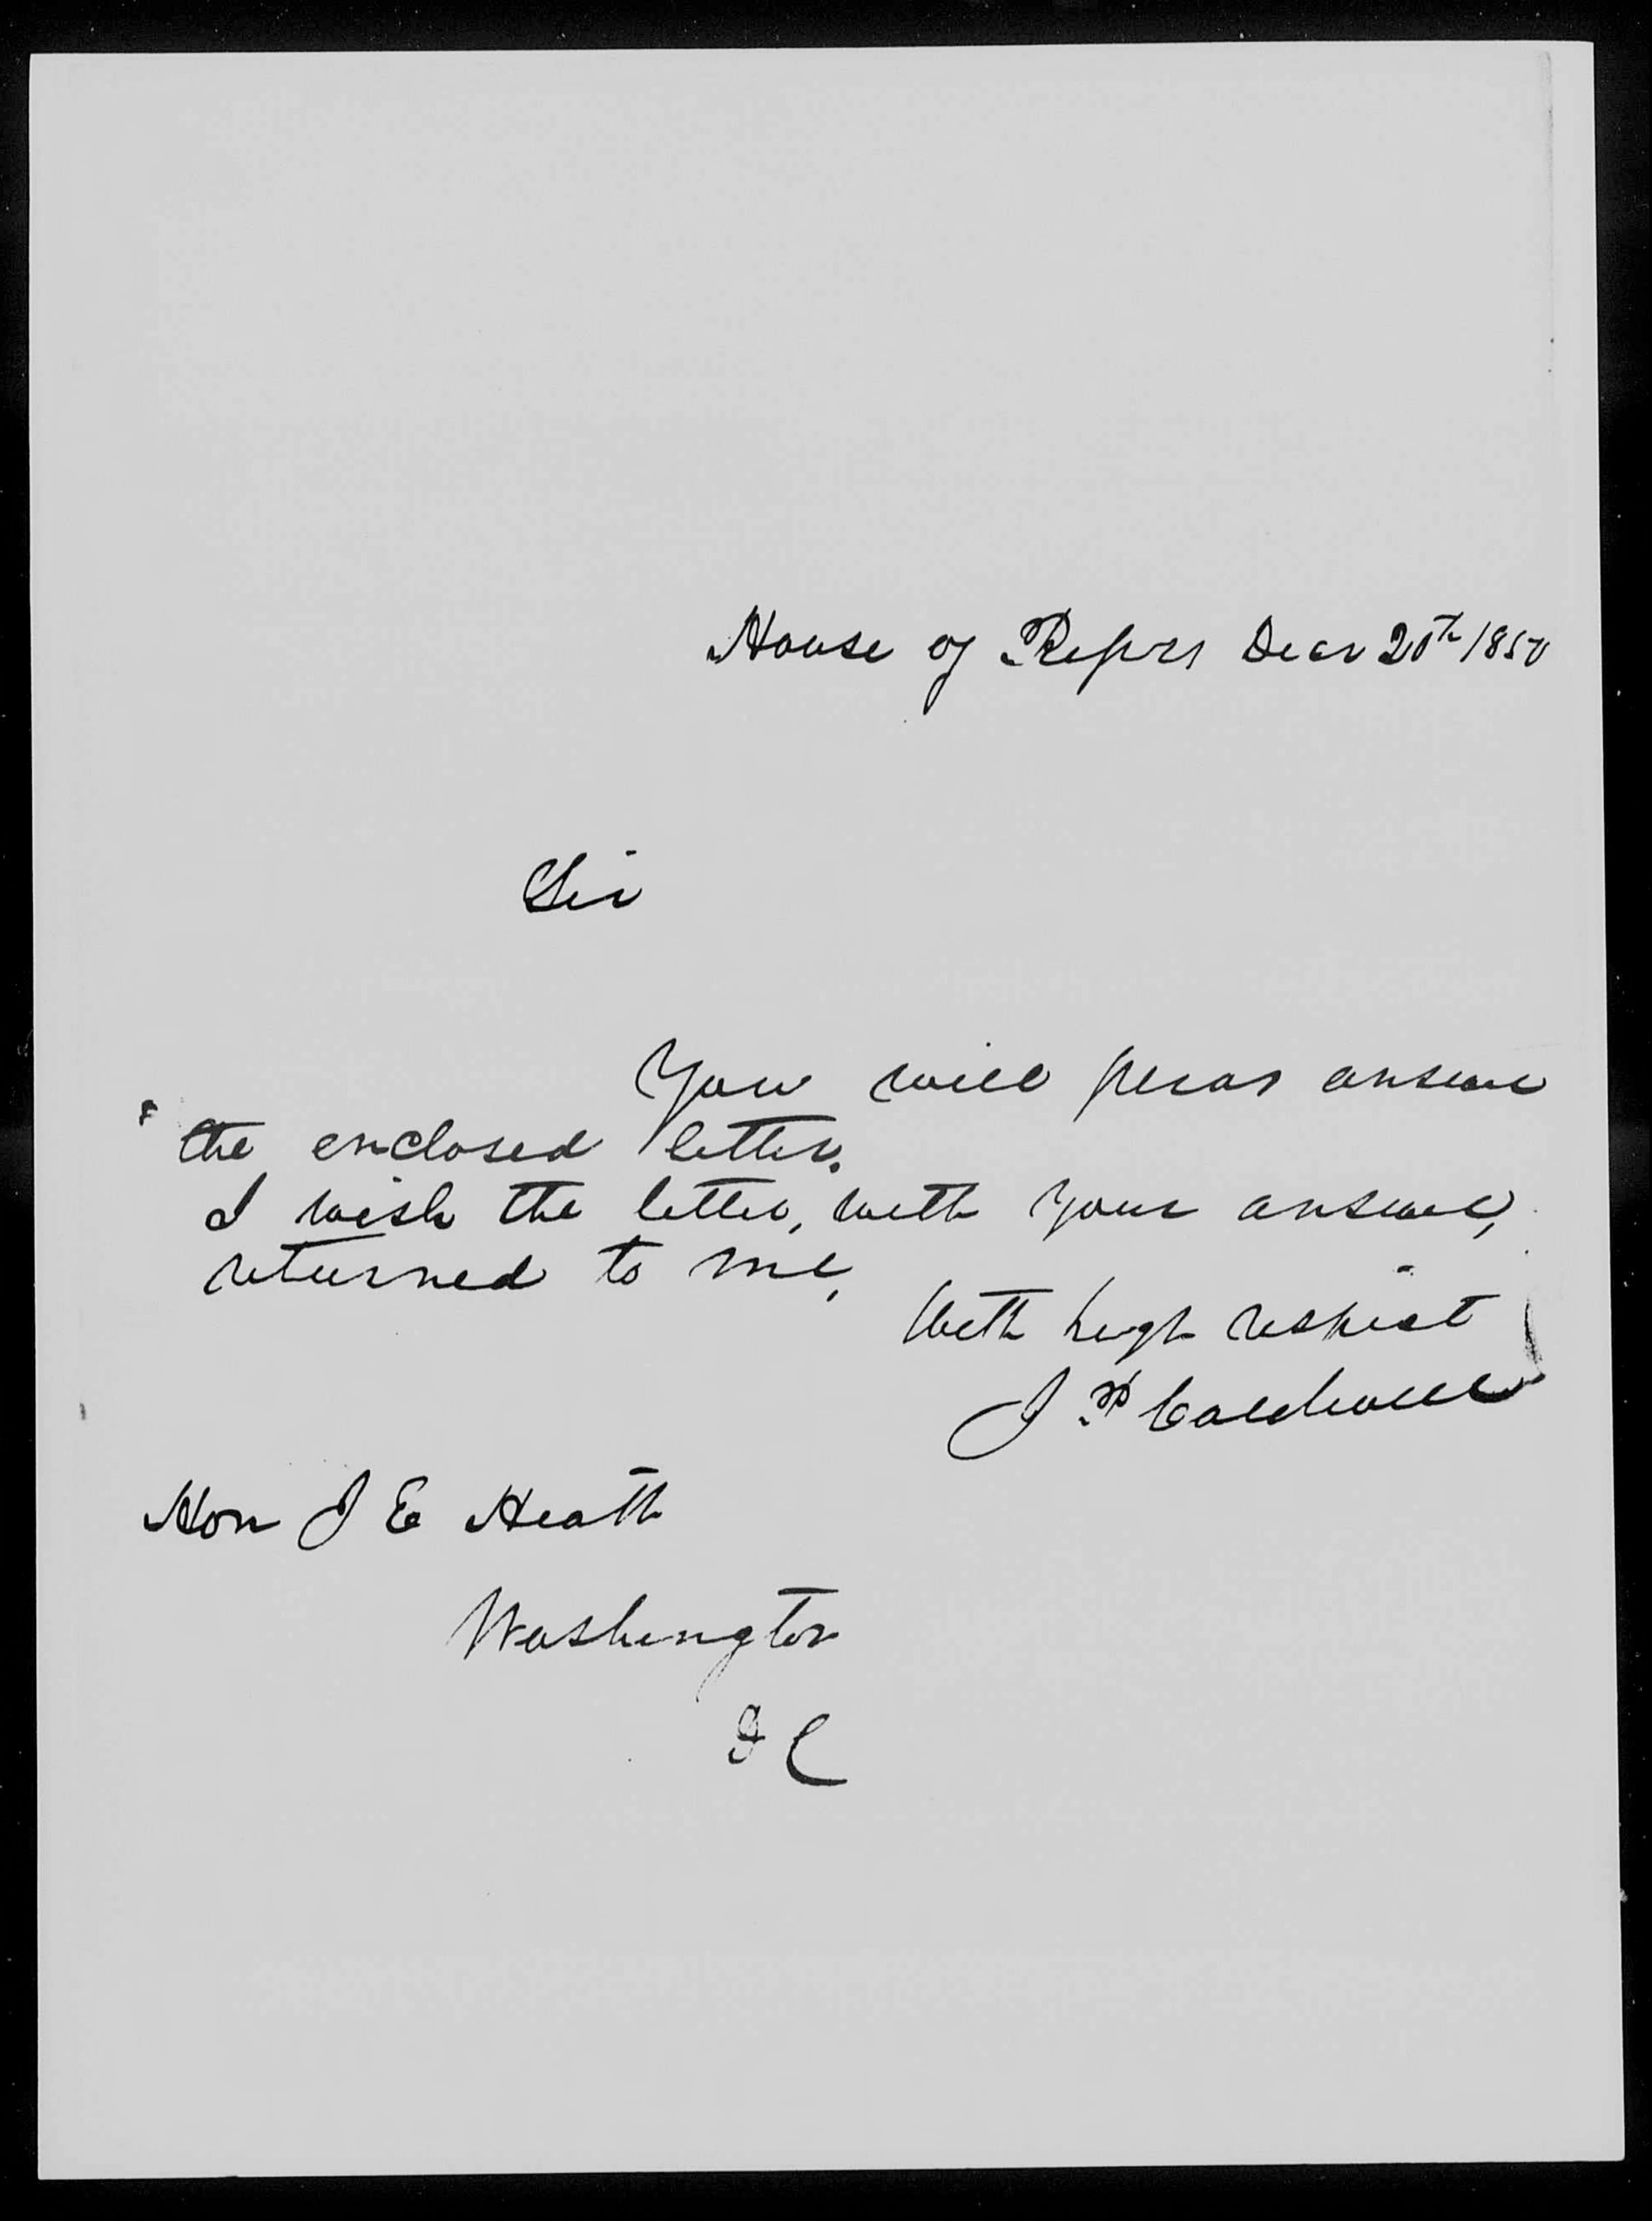House of Rep's Dec. 20th 1850

Sir

You will please answer the enclosed letter. I wish the letter with our answer returned to me.
With high respect
J. P. Caldwell

Hon. J. E. Heath
Washington
D. C.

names: J P Caldwell, J E Heath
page: 27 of 43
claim: widow's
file: W. 18,566, Casper Bolick, N.C.